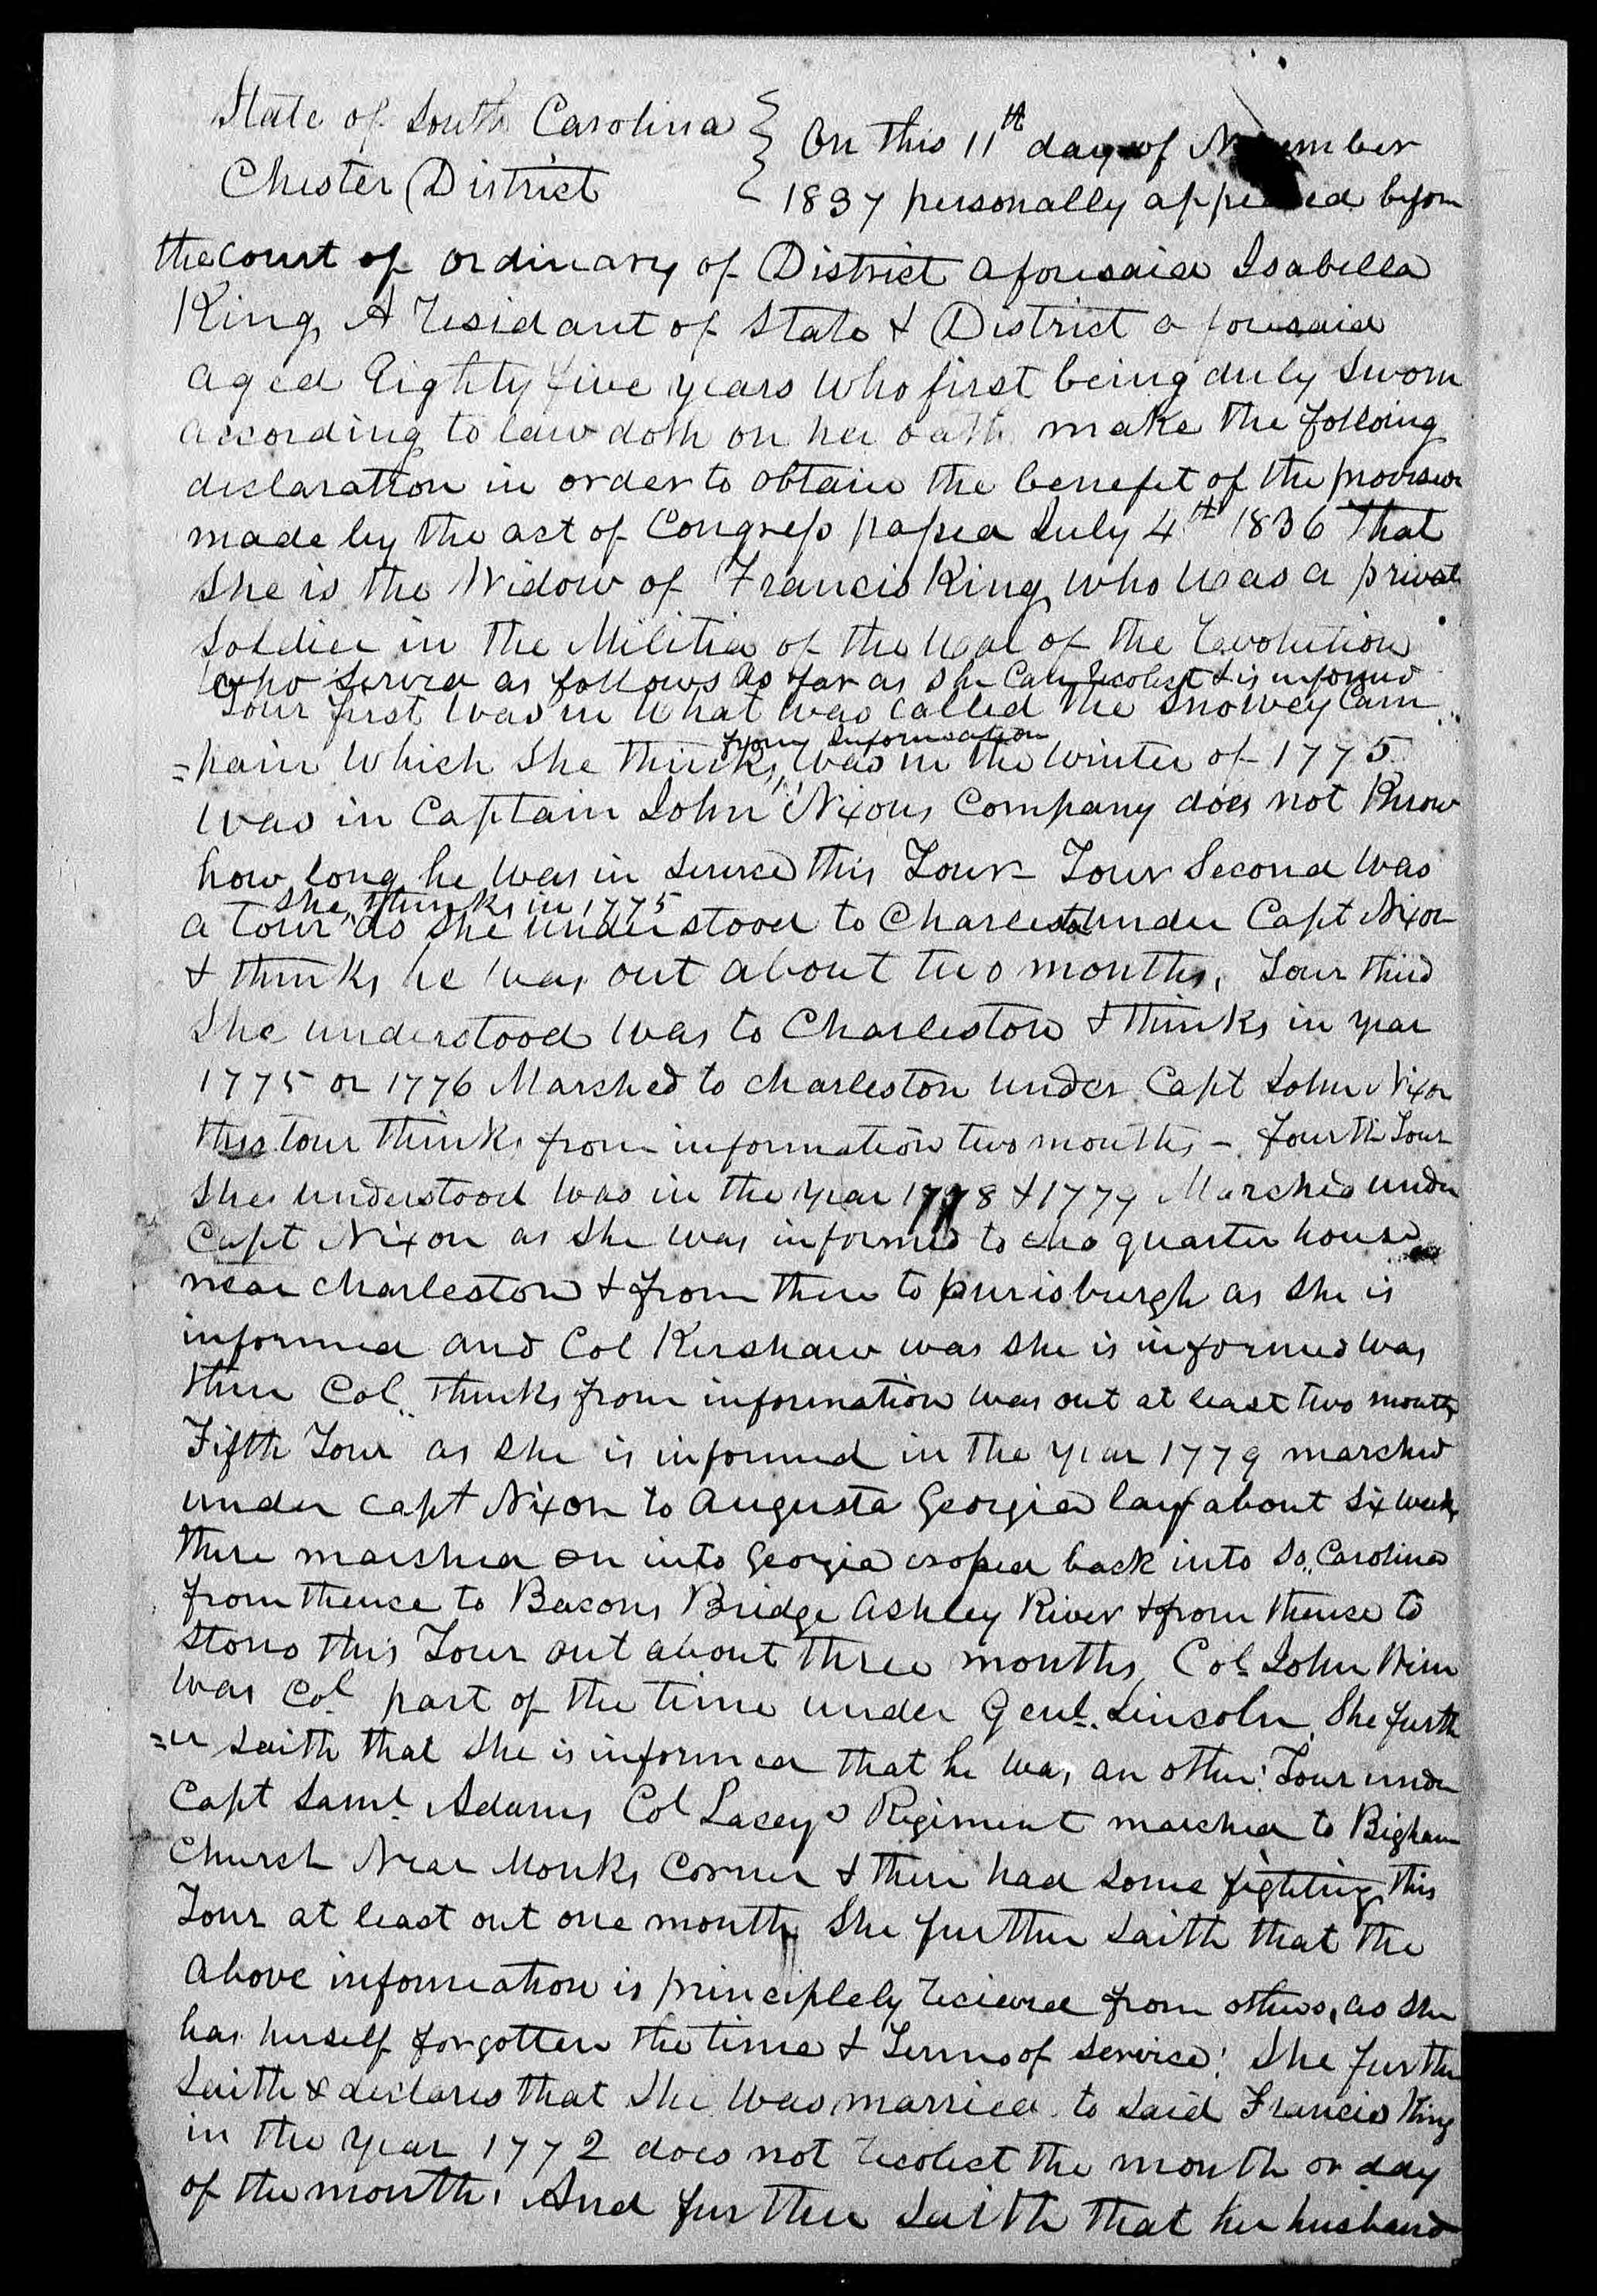State of South Carolina } On this 11th day of November 
Chester District } 1837 personally appeared before 
the Court of Ordinary of District aforesaid Isbella 
King, a resident of State & District aforesaid 
aged eighty five years who first being duly sworn 
according to law doth on her oath make the following 
declaration in order to obtain the benefit of the provision 
made by the act of Congress passed July 4th 1836 That 
she is the widow of Francis King, who was a private 
soldier in the militia of the war of the Revolution 
who served as follows as fas she can recolect [recollect] & is informed 
Tour first was in what was called the Snowey Cam
pain [paign] which she thinks from information was in the winter of 1775 
was in Captain John Nixon's Company does not know 
how long was in service this tour.  Tour second was 
a tour she thinks in 1775 as she understood to Charleston under Capt Nixon 
& thinks he was out about two months.  Tour third 
she understood was to Charleston & thinks in year 
1775 or 1776 marched to Charleston under Capt John Nixon 
this tour thinks from information two months. Fourth tour 
she understood was in the year 1778 & 1779 marched under 
Capt Nixon as she was informed to the quarter house 
near Charleston & from there or Purisburgh as she is 
informed and Col Kershaw was she is informed was 
then Col. thinks from information was out at least two months.
Fifth tour as she is informed in the year 1779 marched 
under Capt Nixon to Augusta Georgia lay about six weeks 
there marched on into Georgia crossed back into S. Carolina 
from thence to Bacons Bridge Ashley River & from thence to 
Stono this tour about about three months Col. John Winn 
was Col. part of the time under Genl. Lincoln.  She furth
er saith that she is informed that he was an other tour under
Capt Saml. Adams Col Lacey's regiment marched to Bighorn 
Church near Monks Corner & there had some fighting this 
tour at least out one month. She further saith that the 
above information is principally received from others, as she 
has herself forgotten the time & tours of service. She further 
saith & declares that she was married to said Francis King 
in the year 1772 does not recolect [recollect] the month or day 
of the month. And further saith that her husband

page: 8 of 10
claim: widow's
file: W. 21523, for Francis King, South Carolina